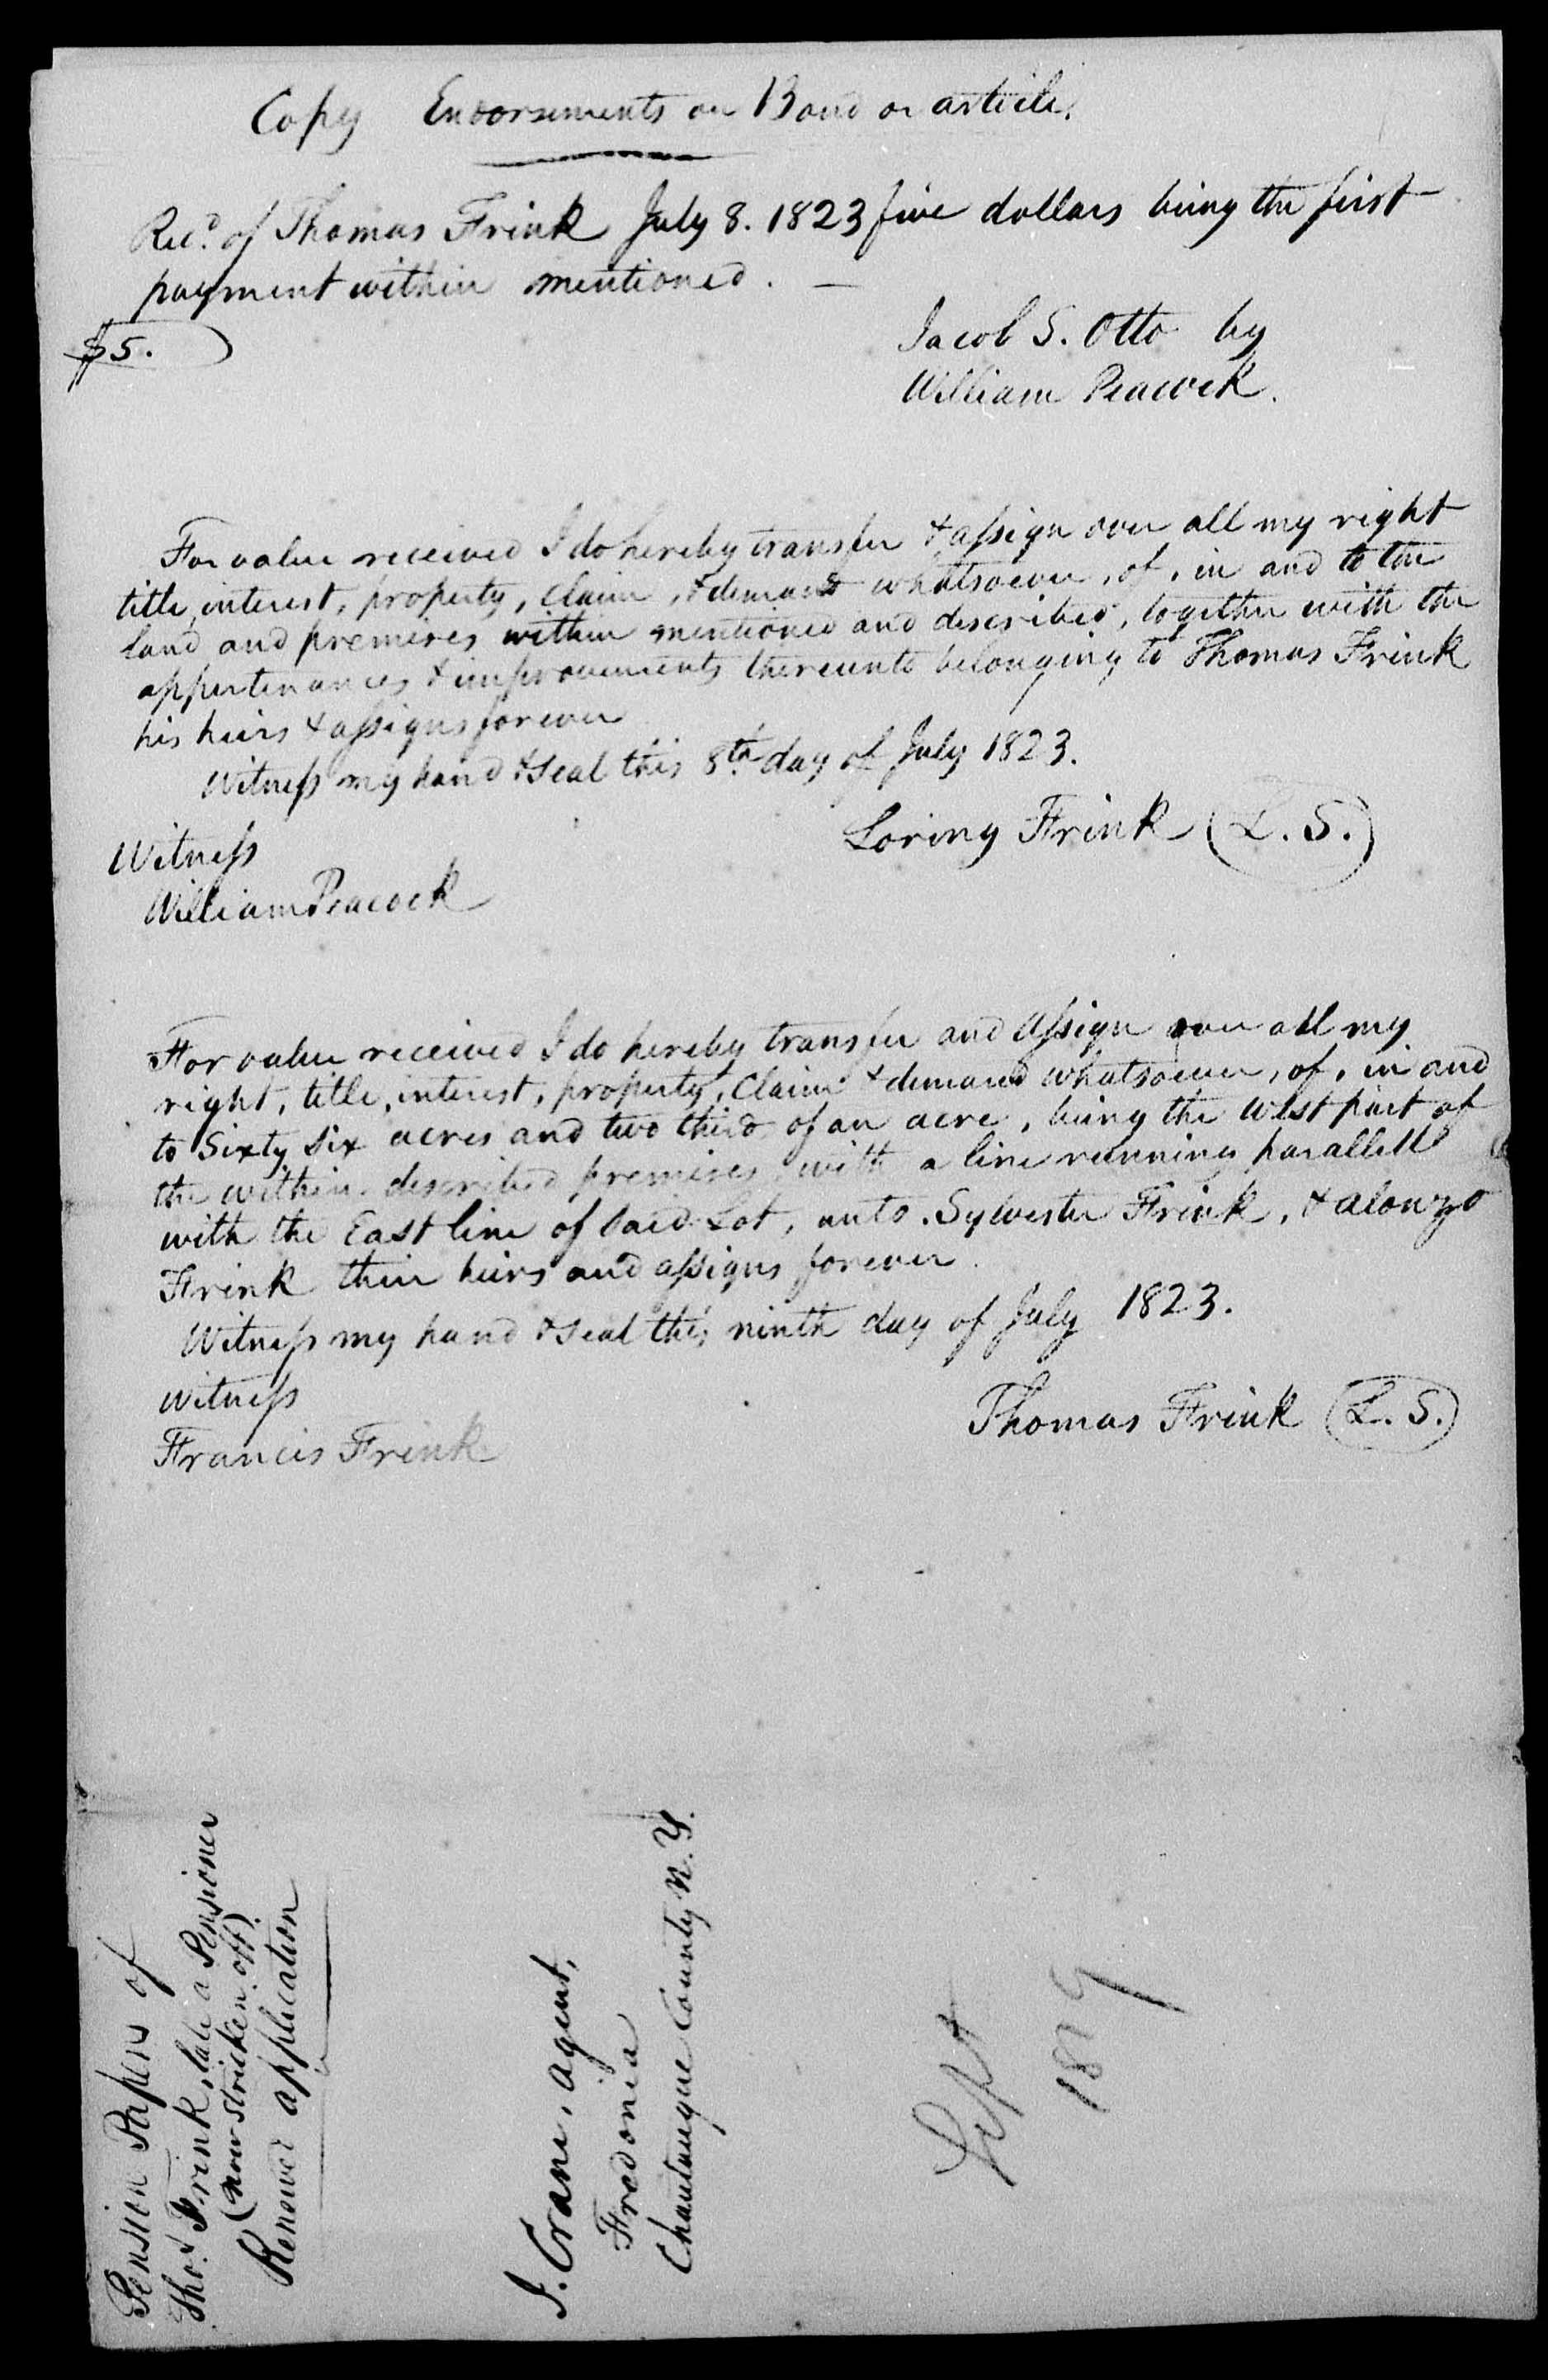Copy Endorsments on Bond or articles 

$5 - Recd of Thomas Frink July 8. 1823 five dollars being the first payment within mentioned  -- $5.
Jacob S. Otto by William Peacock 

For value received I do hereby transfer & assign over all my right title interest, property, claim & demand whatsoever of in and to the land and premises within mentioned and described, together with the appurtenances & improvements thereunto belonging to Thomas Frink his heirs & assigns forever

Witness my hand & seal this 8th day of July 1823 
Witness William Peacock   Loring Frink (L.S.) 

For value received I do hereby transfer and assign over all my right, title, interest, property, claim & demand whatsoever of, in and to sixty six acres and two thirds of an acre, being the west part of the within described premises with a line running parallel with the East line of said Lot, unto Sylvester Frink, & Alonzo Frink their heirs and assigns forever 
Witness my hand & seal this ninth day of July 1823. 
Francis Frink    Thomas Frink (L.S.)
 
Pension Papers of Thomas Frink a Pensioner  (now stricken off)
Renewed application 

J. Crane
Fredonia Chautauque County N.Y. 

Sept 1819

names: Sylvester Frink, Thos Frink, Loring Frink, William Peacock, Jacob S Otto, Francis Frink, Thomas Frink, Thomas Frink, William Peacock, J Crane, Thomas Frink, Alonzo Frink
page: 10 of 33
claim: survivor's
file: S 43571, Thomas Frink, Mass.